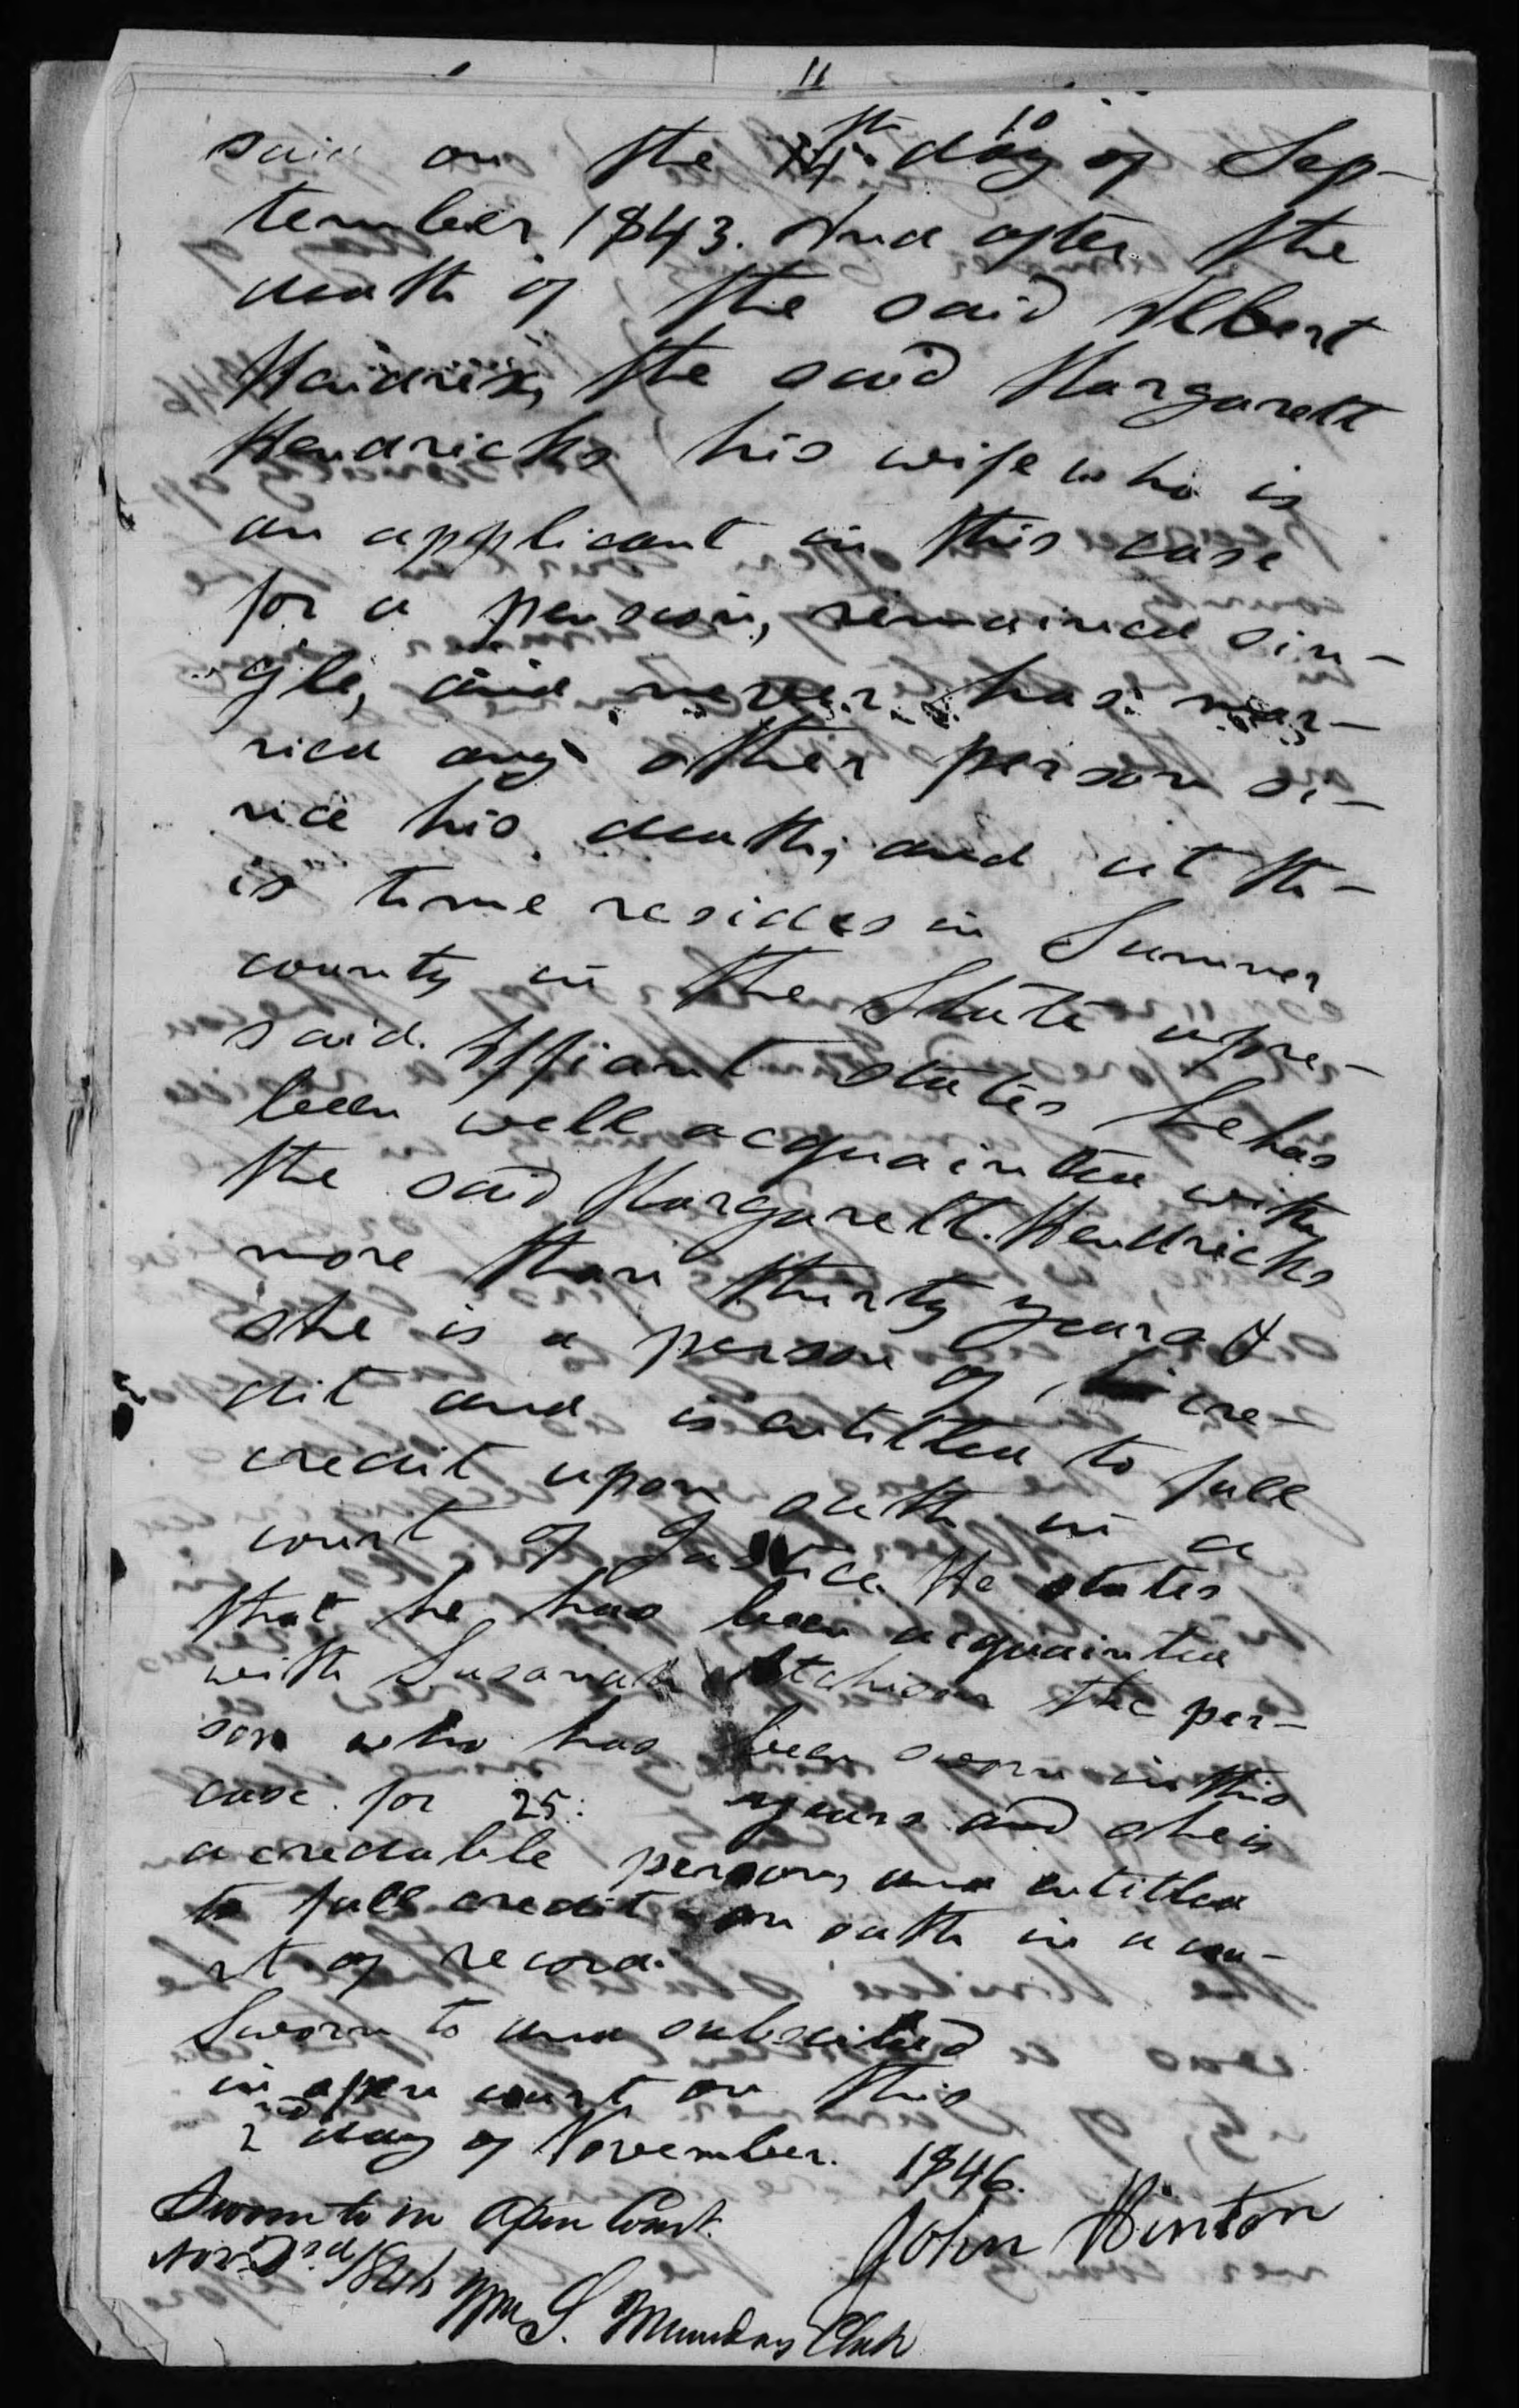said on the 14th day of September 1843. And after the death of the said Albert Hendricks the said Margarett Hendricks his wife who is an applicant in this case for a pension, remained single, and never has married any other person since his death, and at this time resides in Summer county in the State aforesaid. Affiant states he has been well acquainted with the said Margarett Hendricks more than thirty years & she is a person of credit and is entitled to full credit upon oath in a court of Justice. He states that he has been acquainted with Susannah Atcheson the person who has been sworn in this case for 25 years and she is a credable person, and entitled to full credit on oath in a court of record. 
Sworn to and subscribed in open court on this 2d day of November. 1846
John Hinton

Sworn to in open court Nov. 2nd 1846
Wm S. Munday Clerk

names: John Hinton, Margarett Hendricks, Susanah Atchison, Wm S Munday, Albert Hendricks, Margarett Hendricks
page: 32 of 76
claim: widow's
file: W. 83, Albert Hendricks, Continental Md. N.C.